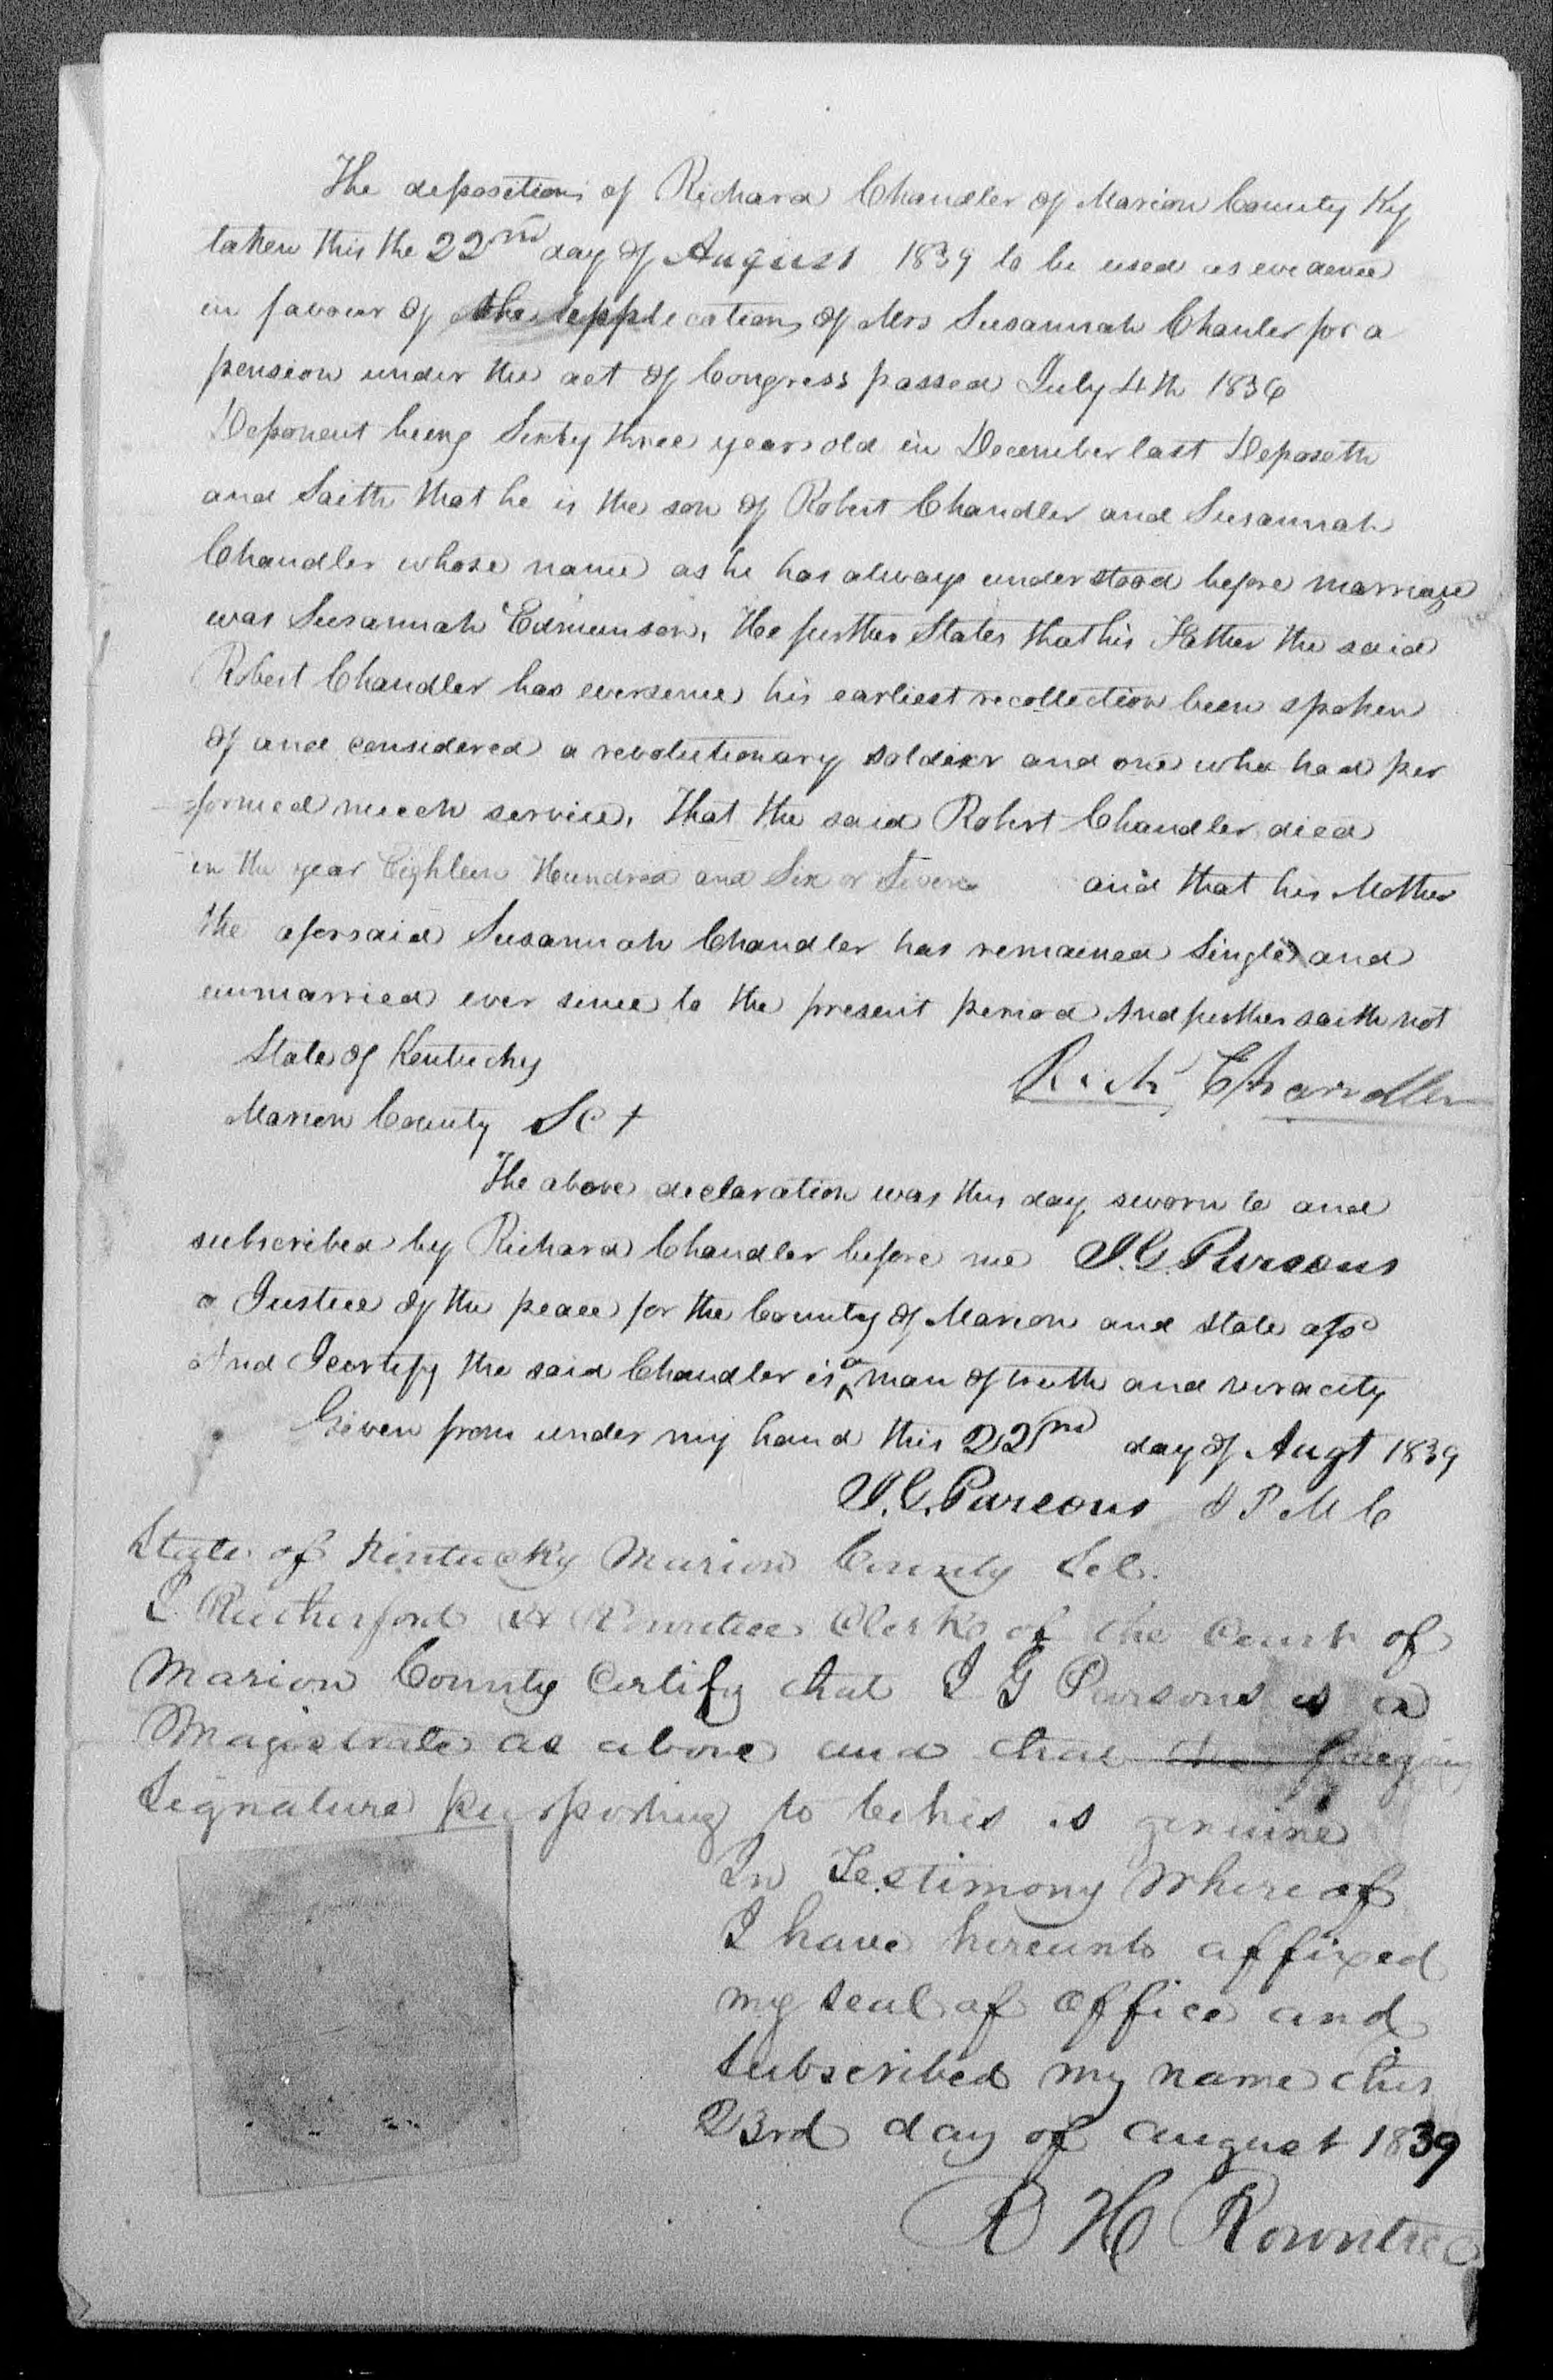The deposition of Richard Chandler of Marion County Ky taken this the 22nd day of August 1839 to be used as evidence in favour of the application of Mrs. Susannah Chandler for a pension under the act of Congress passed July 4, 1836.  
Deponent being Sixty three years old in December last, Deposeth and Saith that he is the son of Robert Chandler and Susannah Chandler whose name as he has always understood before marriage was Susannah Edmundson. He further States that his father, the said Robert Chandler, has evidence his earliest recollection been spoken of and considered a revolutionary soldier and one who had performed much service.  That the said Robert Chandler died in the year of Eighteen Hundred and Six or Seven    and that his mother, the aforesaid Susannah Chandler, has remained single and unmarried ever since to the present period. And further saith not.

                                                                  Rich. Chandler					
State of Kentucky
Marion County:   Sct.
  The above declaration was this day sworn to and subscribed by Richard Chandler before me,  J.G. Parsons, Justice of the peace for the county of Marion and State aforesaid, I certify the said Chandler
is a man of truth and veracity.   Given from under my hand, this 22nd day of Augt. 1839
					J. G. Persons  JPMC



State of Kentucky  Marion County   (Illegible)

I Rutherford H  Rowntree, Clerk of the Court of Marion County, certify that J.G. Parsons is a Magistrate as above and that the foregoing signature purporting to be his, is genuine

						
		                  In testimony whereof, I have
		 	   hereunto  affixed seal of  
			office and subscribed my name
                                             23rd day of August, 1839
		                          R.H. Rowntree,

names: J G Parsons, Robert Chandler, J G Parsons, Richard Chandler, R H Rowntree, Susannah Edmunson, Richard Chandler, Chandler, J G Parsons, Robert Chandler, Susannah Chandler, Rich Chandler, Susannah Chanler, Robert Chandler, Susannah Chandler, Rutherford H Rowntree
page: 6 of 12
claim: widow's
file: W. 8598, Robert Chandler, Va.